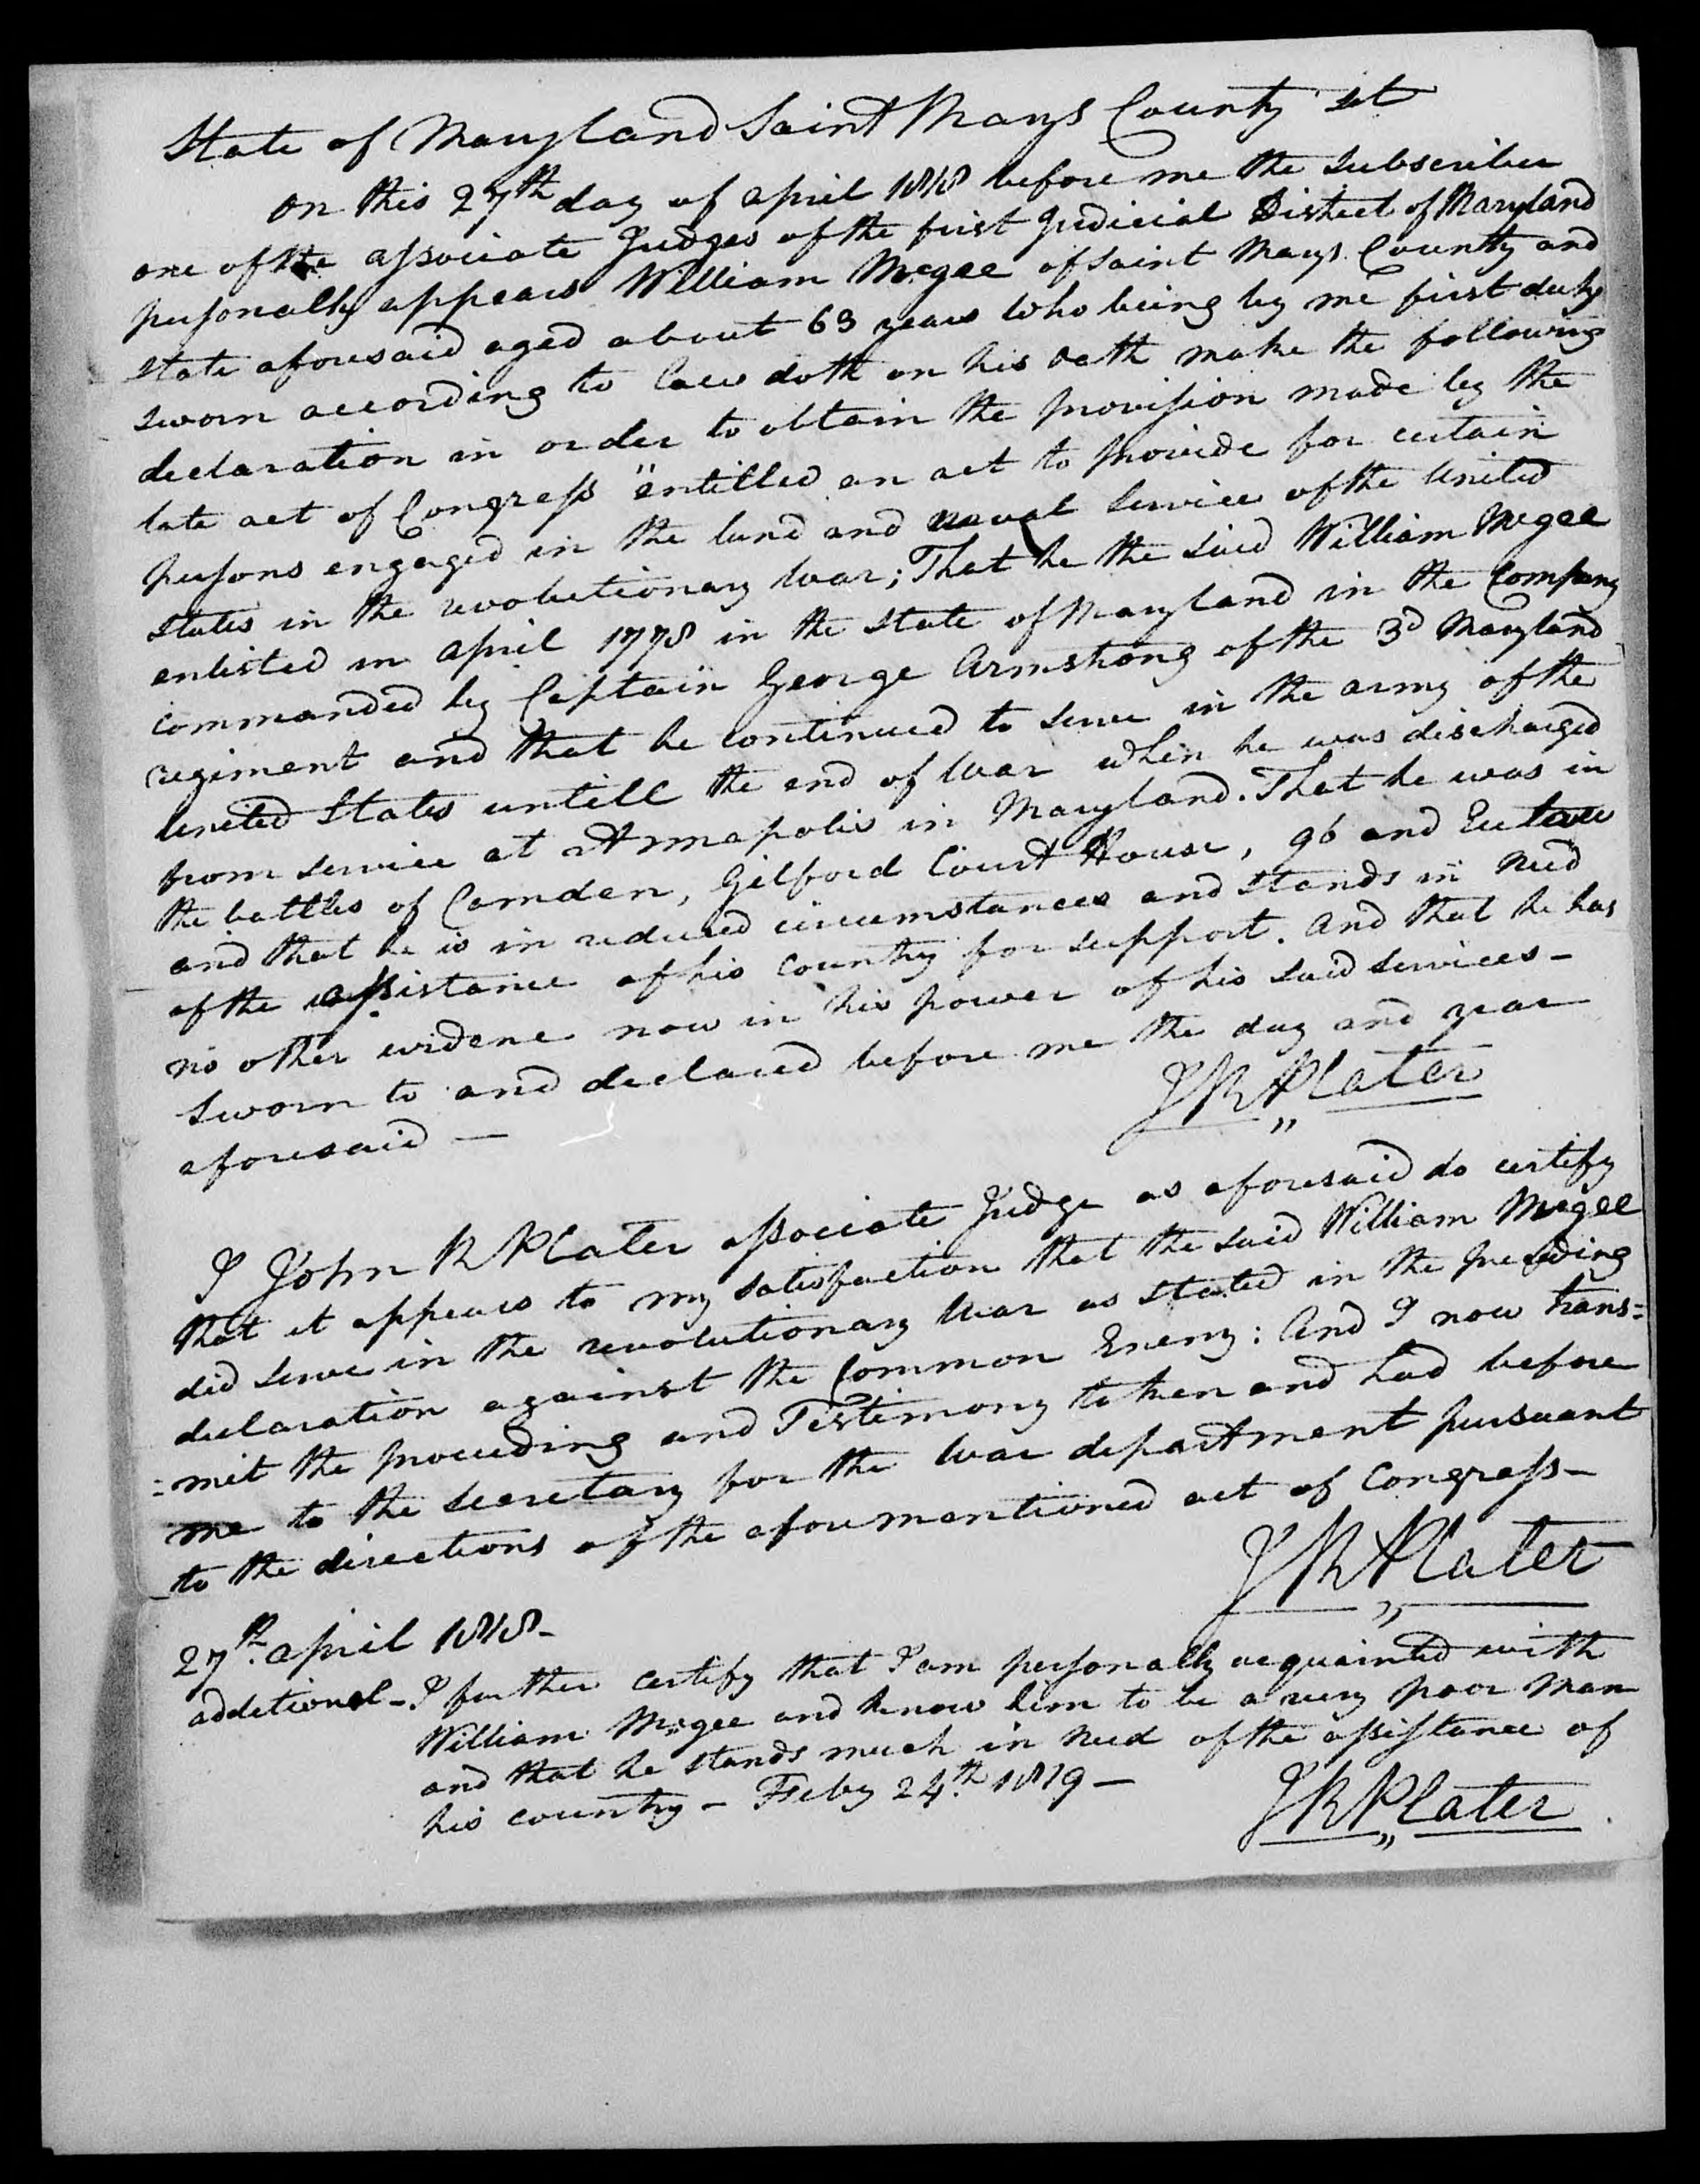State of Maryland Saint Mary's County Sct

On this 27th day of April 1818 before me the subscriber, one of the associate judges of the first Judicial District of Maryland personally appears William McGee of Saint Mary's County and state aforesaid aged about 63 years who being by me first duly sworn according to law doth on his oath make the following declaration in order to obtain the provision made by the late act of Congress entitled "an act to provide for certain persons engaged in the land and naval service of the United States in the Revolutionary War; That he the said William McGee enlisted in April 1778 in the state of Maryland in the company commanded by Captain George Armstrong of the 3rd Maryland Regiment and that he continued to serve in the army of the United States untill [until] the end of [the] War when he was discharged from service at Annapolis in Maryland. That he was in the battles of Camden, Gilford [Guilford] Court House, 96 and Eutaw [Eutaw Springs] and that he is in reduced circumstances and stands in need of the assistance of his country for support. And that he has no other evidence now in his power of his said services —
Sworn to and declared before me the day and year aforesaid-- J.R. Plater 

I John R. Plater associate Judge as aforesaid do certify that it appears to my satisfaction that the said William McGee did serve in the revolutionary War as stated in the preceding declaration against the common enemy: And I now transmit the proceeding and Testimony taken and had before me to the Secretary for the War department pursuant to the directions of the aforementioned Act of Congress. 
J.R. Plater 
27 April 1818 
Additional - I further certify that I am personally acquainted with William McGee and know him to be a very poor man and that he stands much in need of the assistance of his country – Feby [February] 24th 1819 – 
J.R. Plater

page: 4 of 17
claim: survivor's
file: S. 34980, for William Mc Gee, Maryland